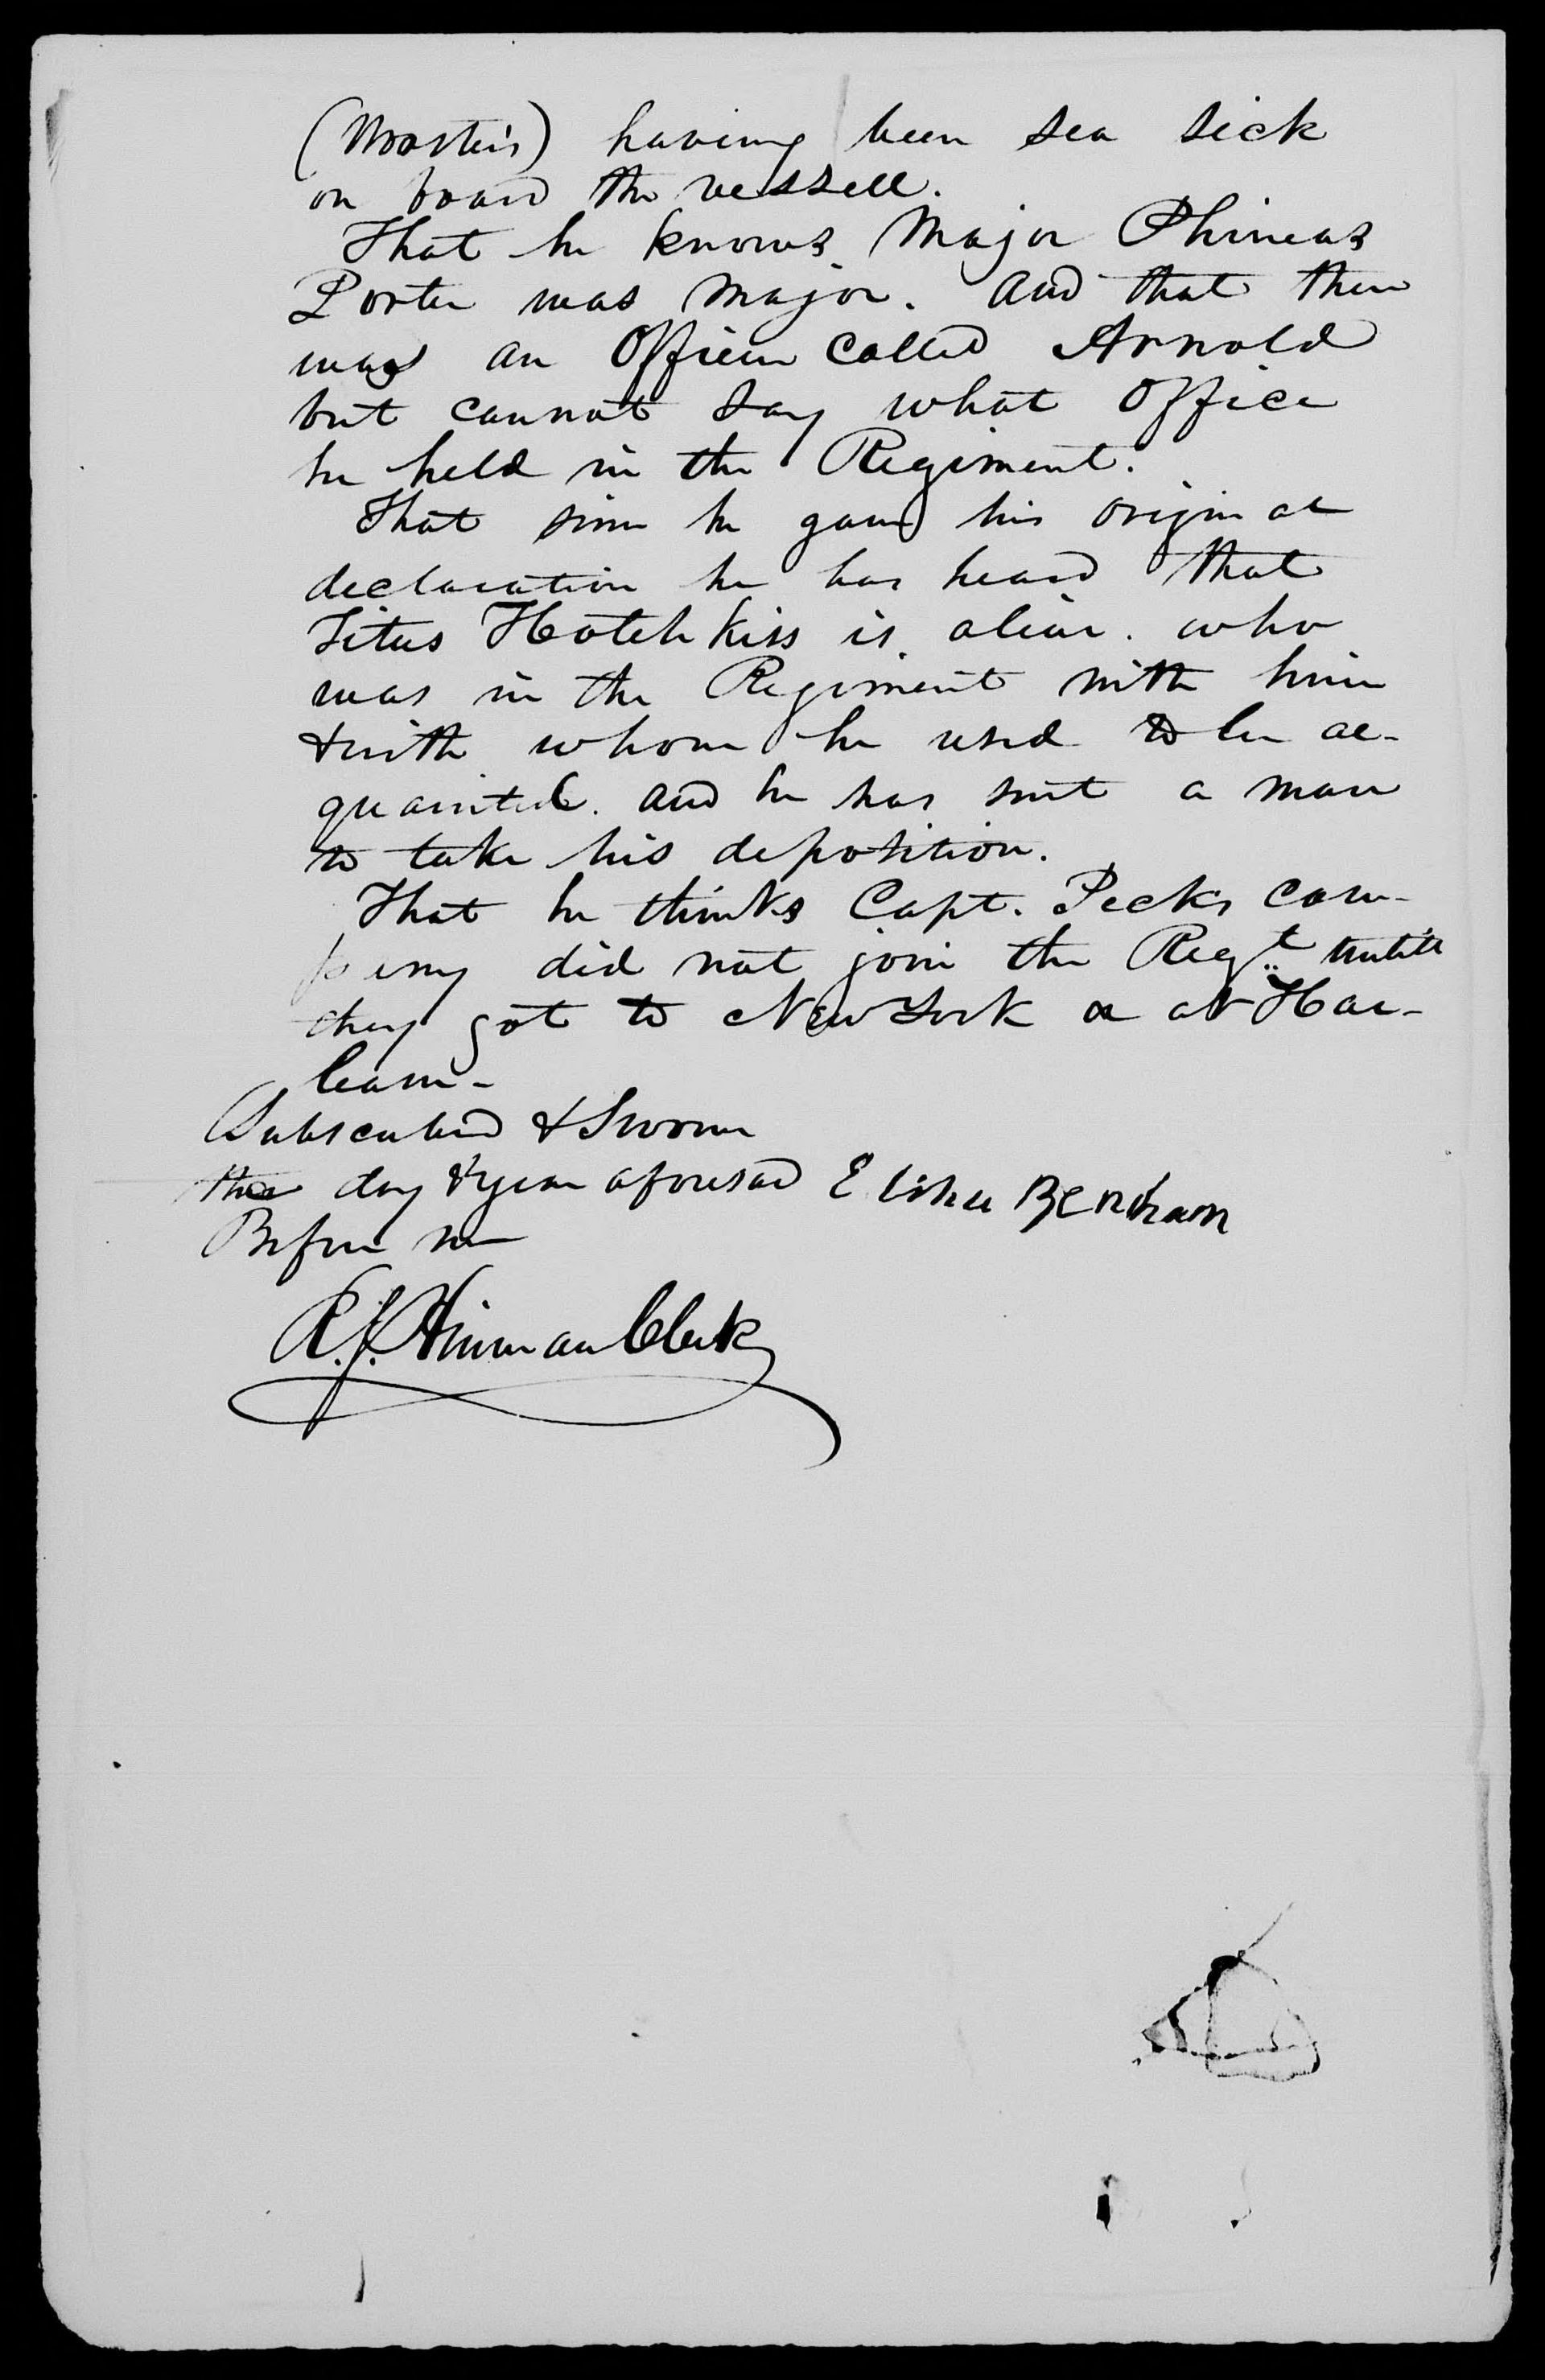(Wooster) having been sea sick on board the vessell That he knows Major Phineas Porter was major. And that there was an officer called Arnold but cannot say what office he held in the Regiment.
That time he gave his original declaration he has heard that Titus Hotchkiss is alive, who was in the Regiment with him & with whom he used to be acquainted. And he has not a man to take his deposition 
That he thinks Capt. Pecks company did not join the Regt until they got to New York or at Harlam 
Subscribed & Sworn
this day & year aforesaid Elisha Benham 
Before me
 R.J. Hinman Clerk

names: Phineas Porter, Arnold, Titus Hotchkiss, R S Hinman, Elihu Benham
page: 13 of 45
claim: survivor's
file: S. 15748, Elihu Benham, Conn.